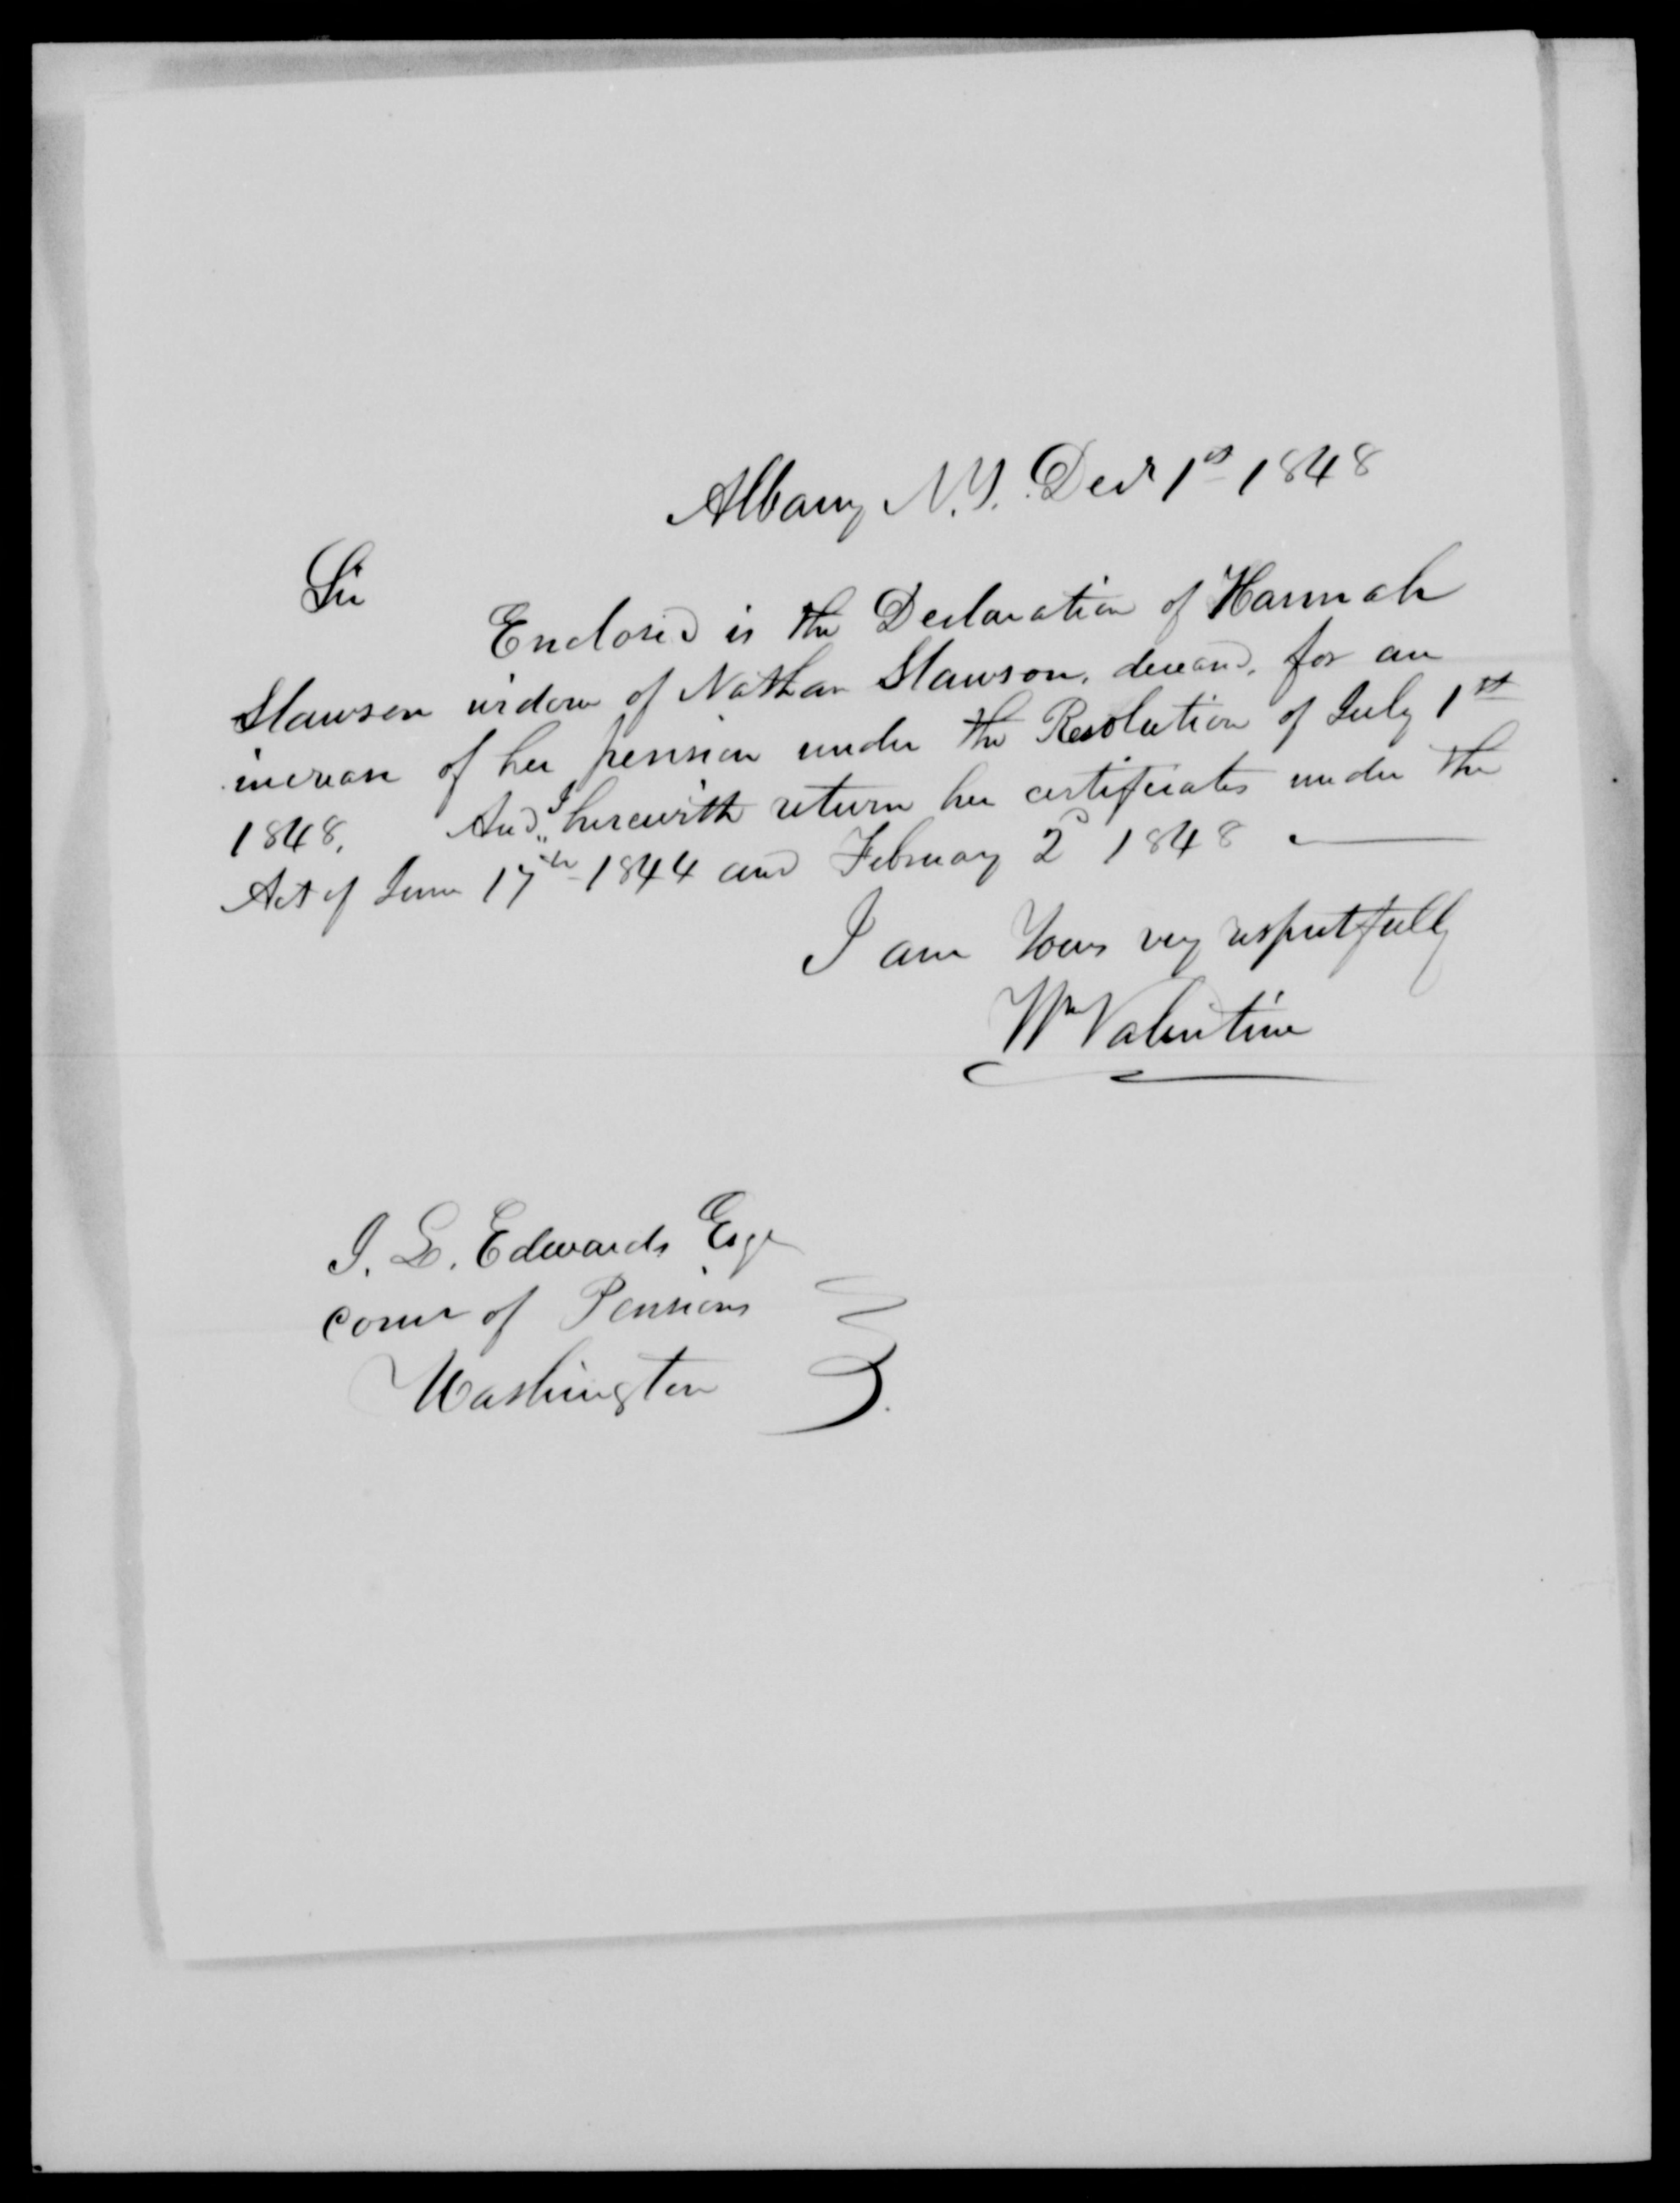Albany N.Y. Decr 1st 1848 
Sir 
Enclosed is the Declaration of Hannah Slawson widow of Nathan Slawson, deceased, for an increase of her pension under the Resolution of July 1st 1848.  And herewith return her certificates under the Act of June 17th 1844 and February 2 1848 
I am Yours very respectfully 
Wm Valentine 
J.L. Edwards Esqr 
Comr of Pensions Washington.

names: Hannah Slawson; Nathan Slawson; J L Edwards; Wm Valentine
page: 55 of 87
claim: widow's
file: W. 22,226, for Nathan Slawson, Connecticut